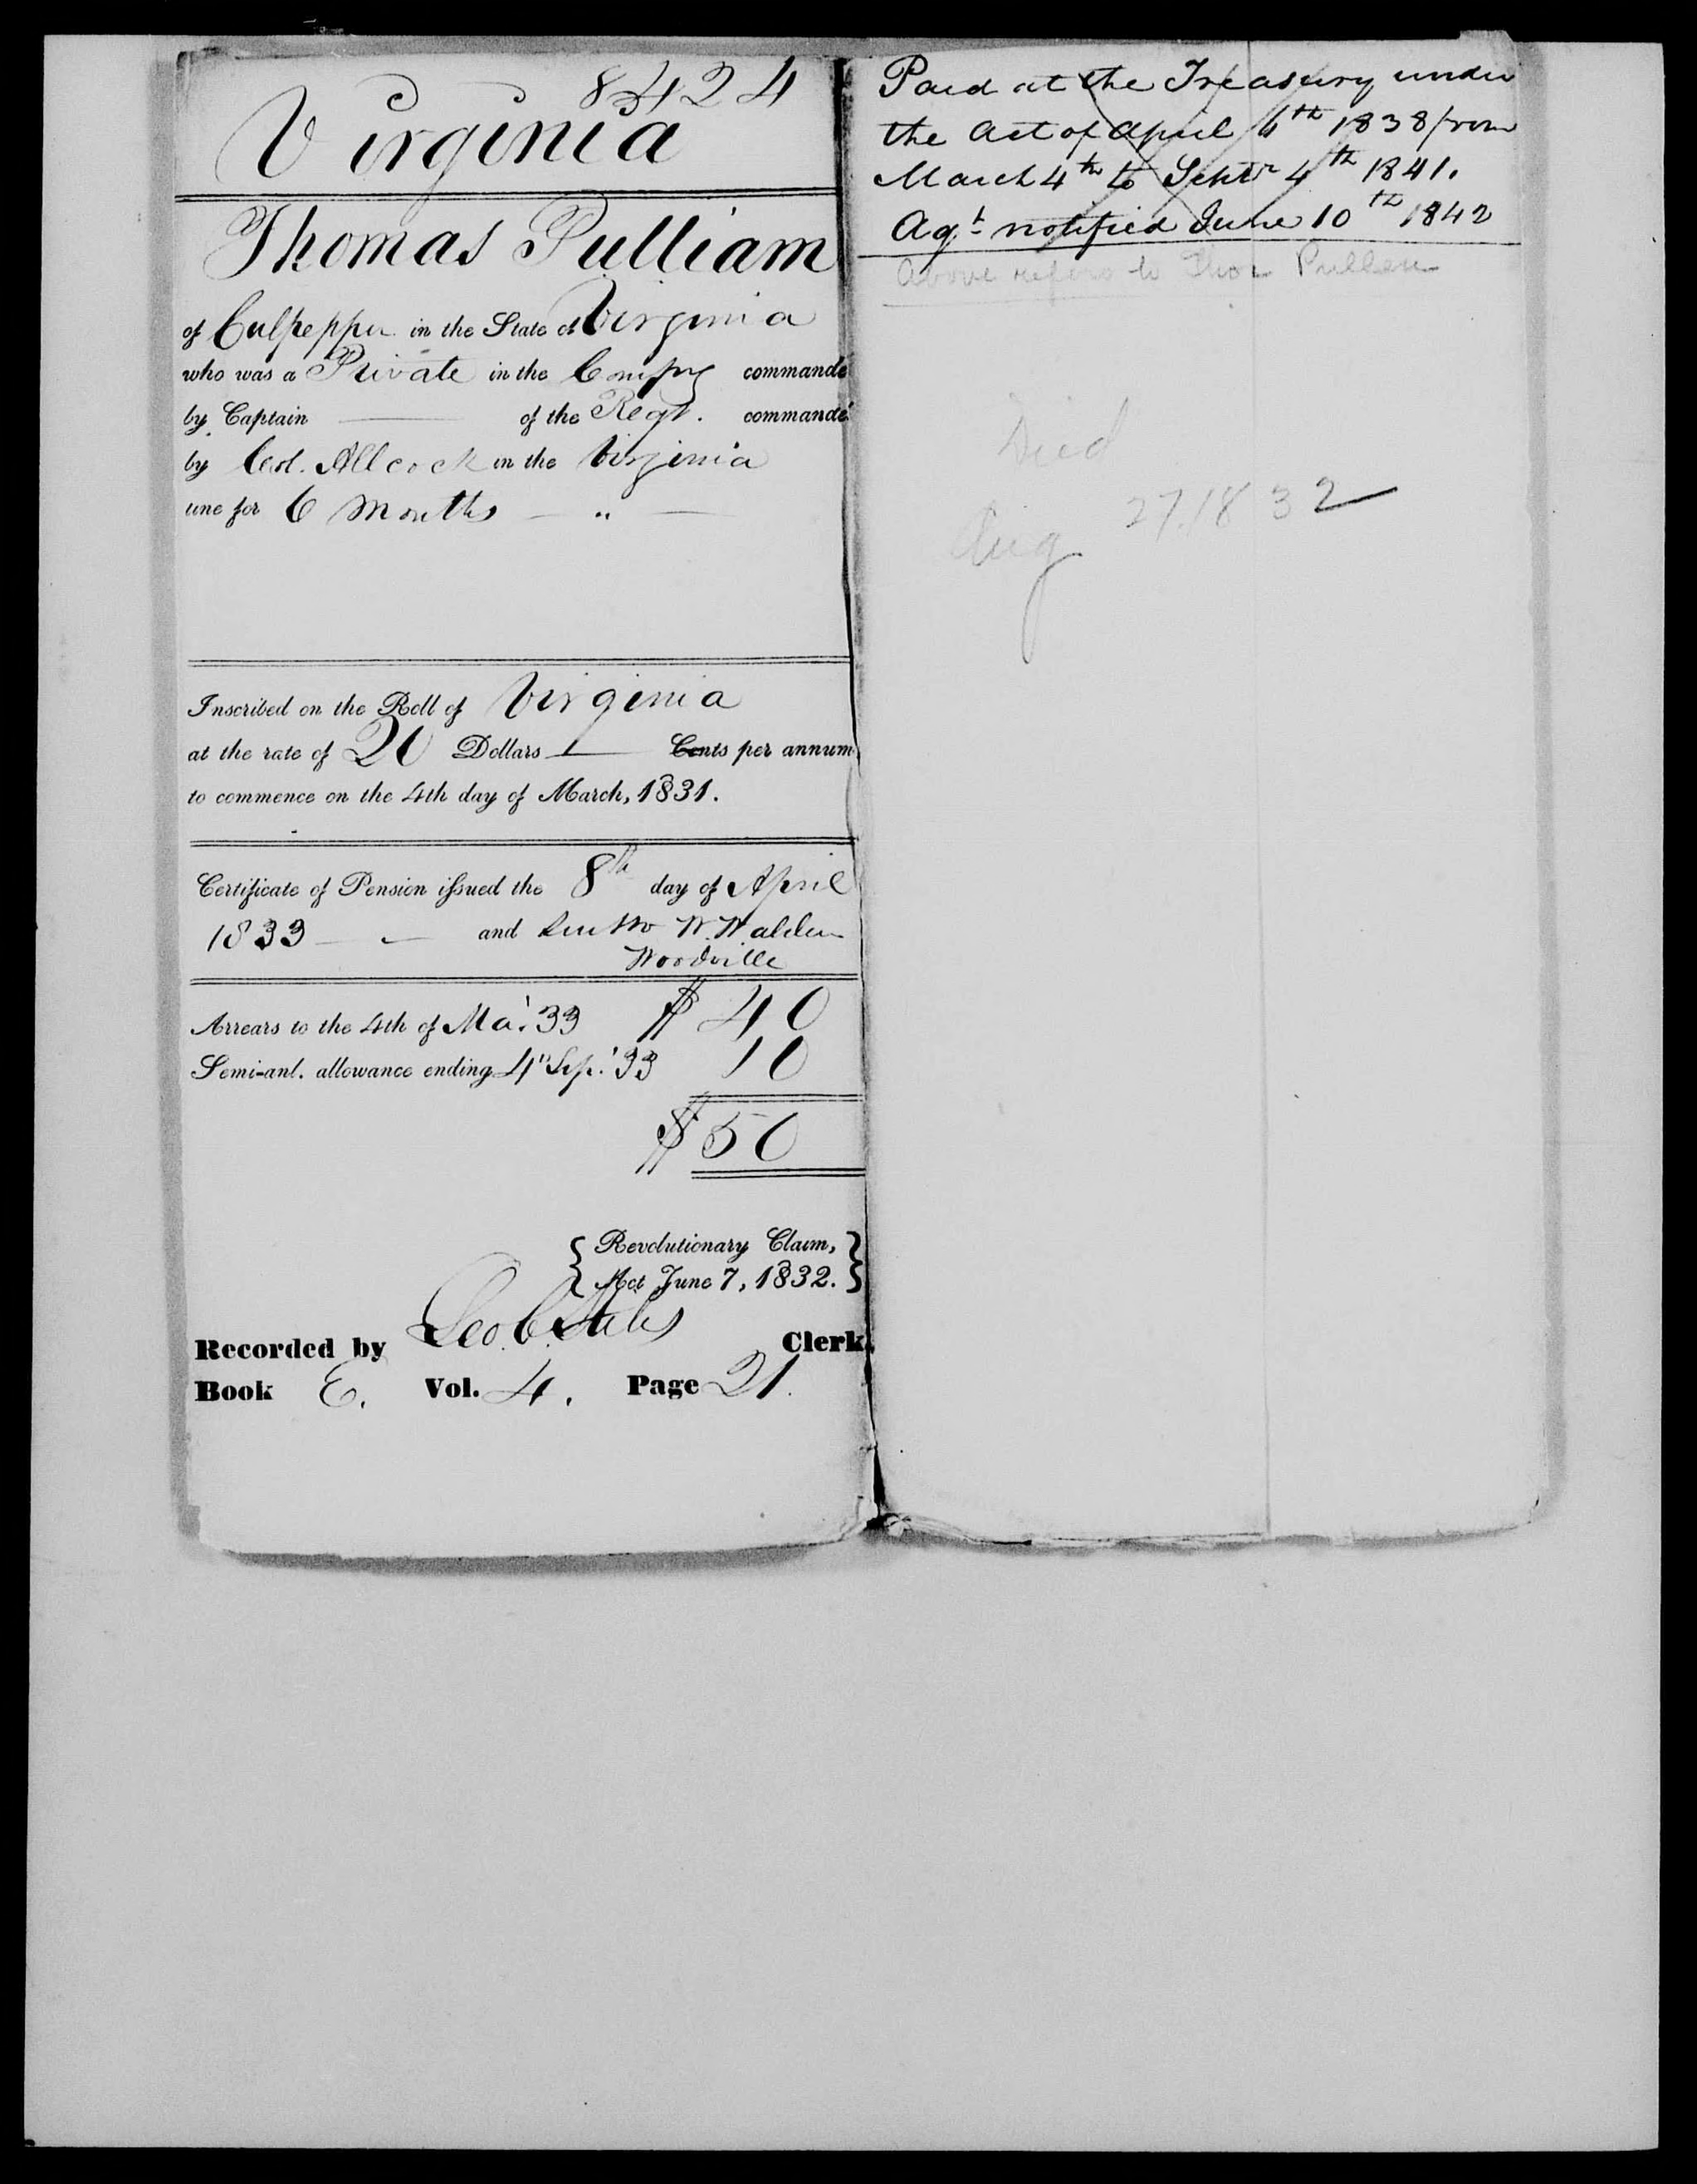8424
Virginia

Thomas Pulliam
of Culpepper in the State of Virginia
who was a Private in the Compy commanded
by Captain ____ of the Regt. commanded
by Col. Allcock in the Virginia
line for 6 months - "

Inscribed on the Roll of Virginia
at the rate of 20 Dollars __Cents per annum
to commence on the 4th day of March, 1831

Certificate of Pension issued the 8th day of April
1833 and Sent to W. Walden
Woodville

Arrears to the 4th of Mar '33 .................. $40
Semi-anl. allowance ending 4 Sep '33.... 10
................................................................................$50

[Revolutionary Claim,
Act June 7, 1832.}

Recorded by Leo C. [Illegible] Clerk
Book E, Vol. 4, Page 21.

[This paragraph, crossed out:]
Paid at the Treasury under
the Act of April 6th 1838 from
March 4th to Sept 4th 1841.
Agt notified June 10th 1842

Above refers to Thos Pullen

Died
Aug 27.1832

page: 2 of 27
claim: survivor's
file: S. 5,955, for Thomas Pulliam, Virginia